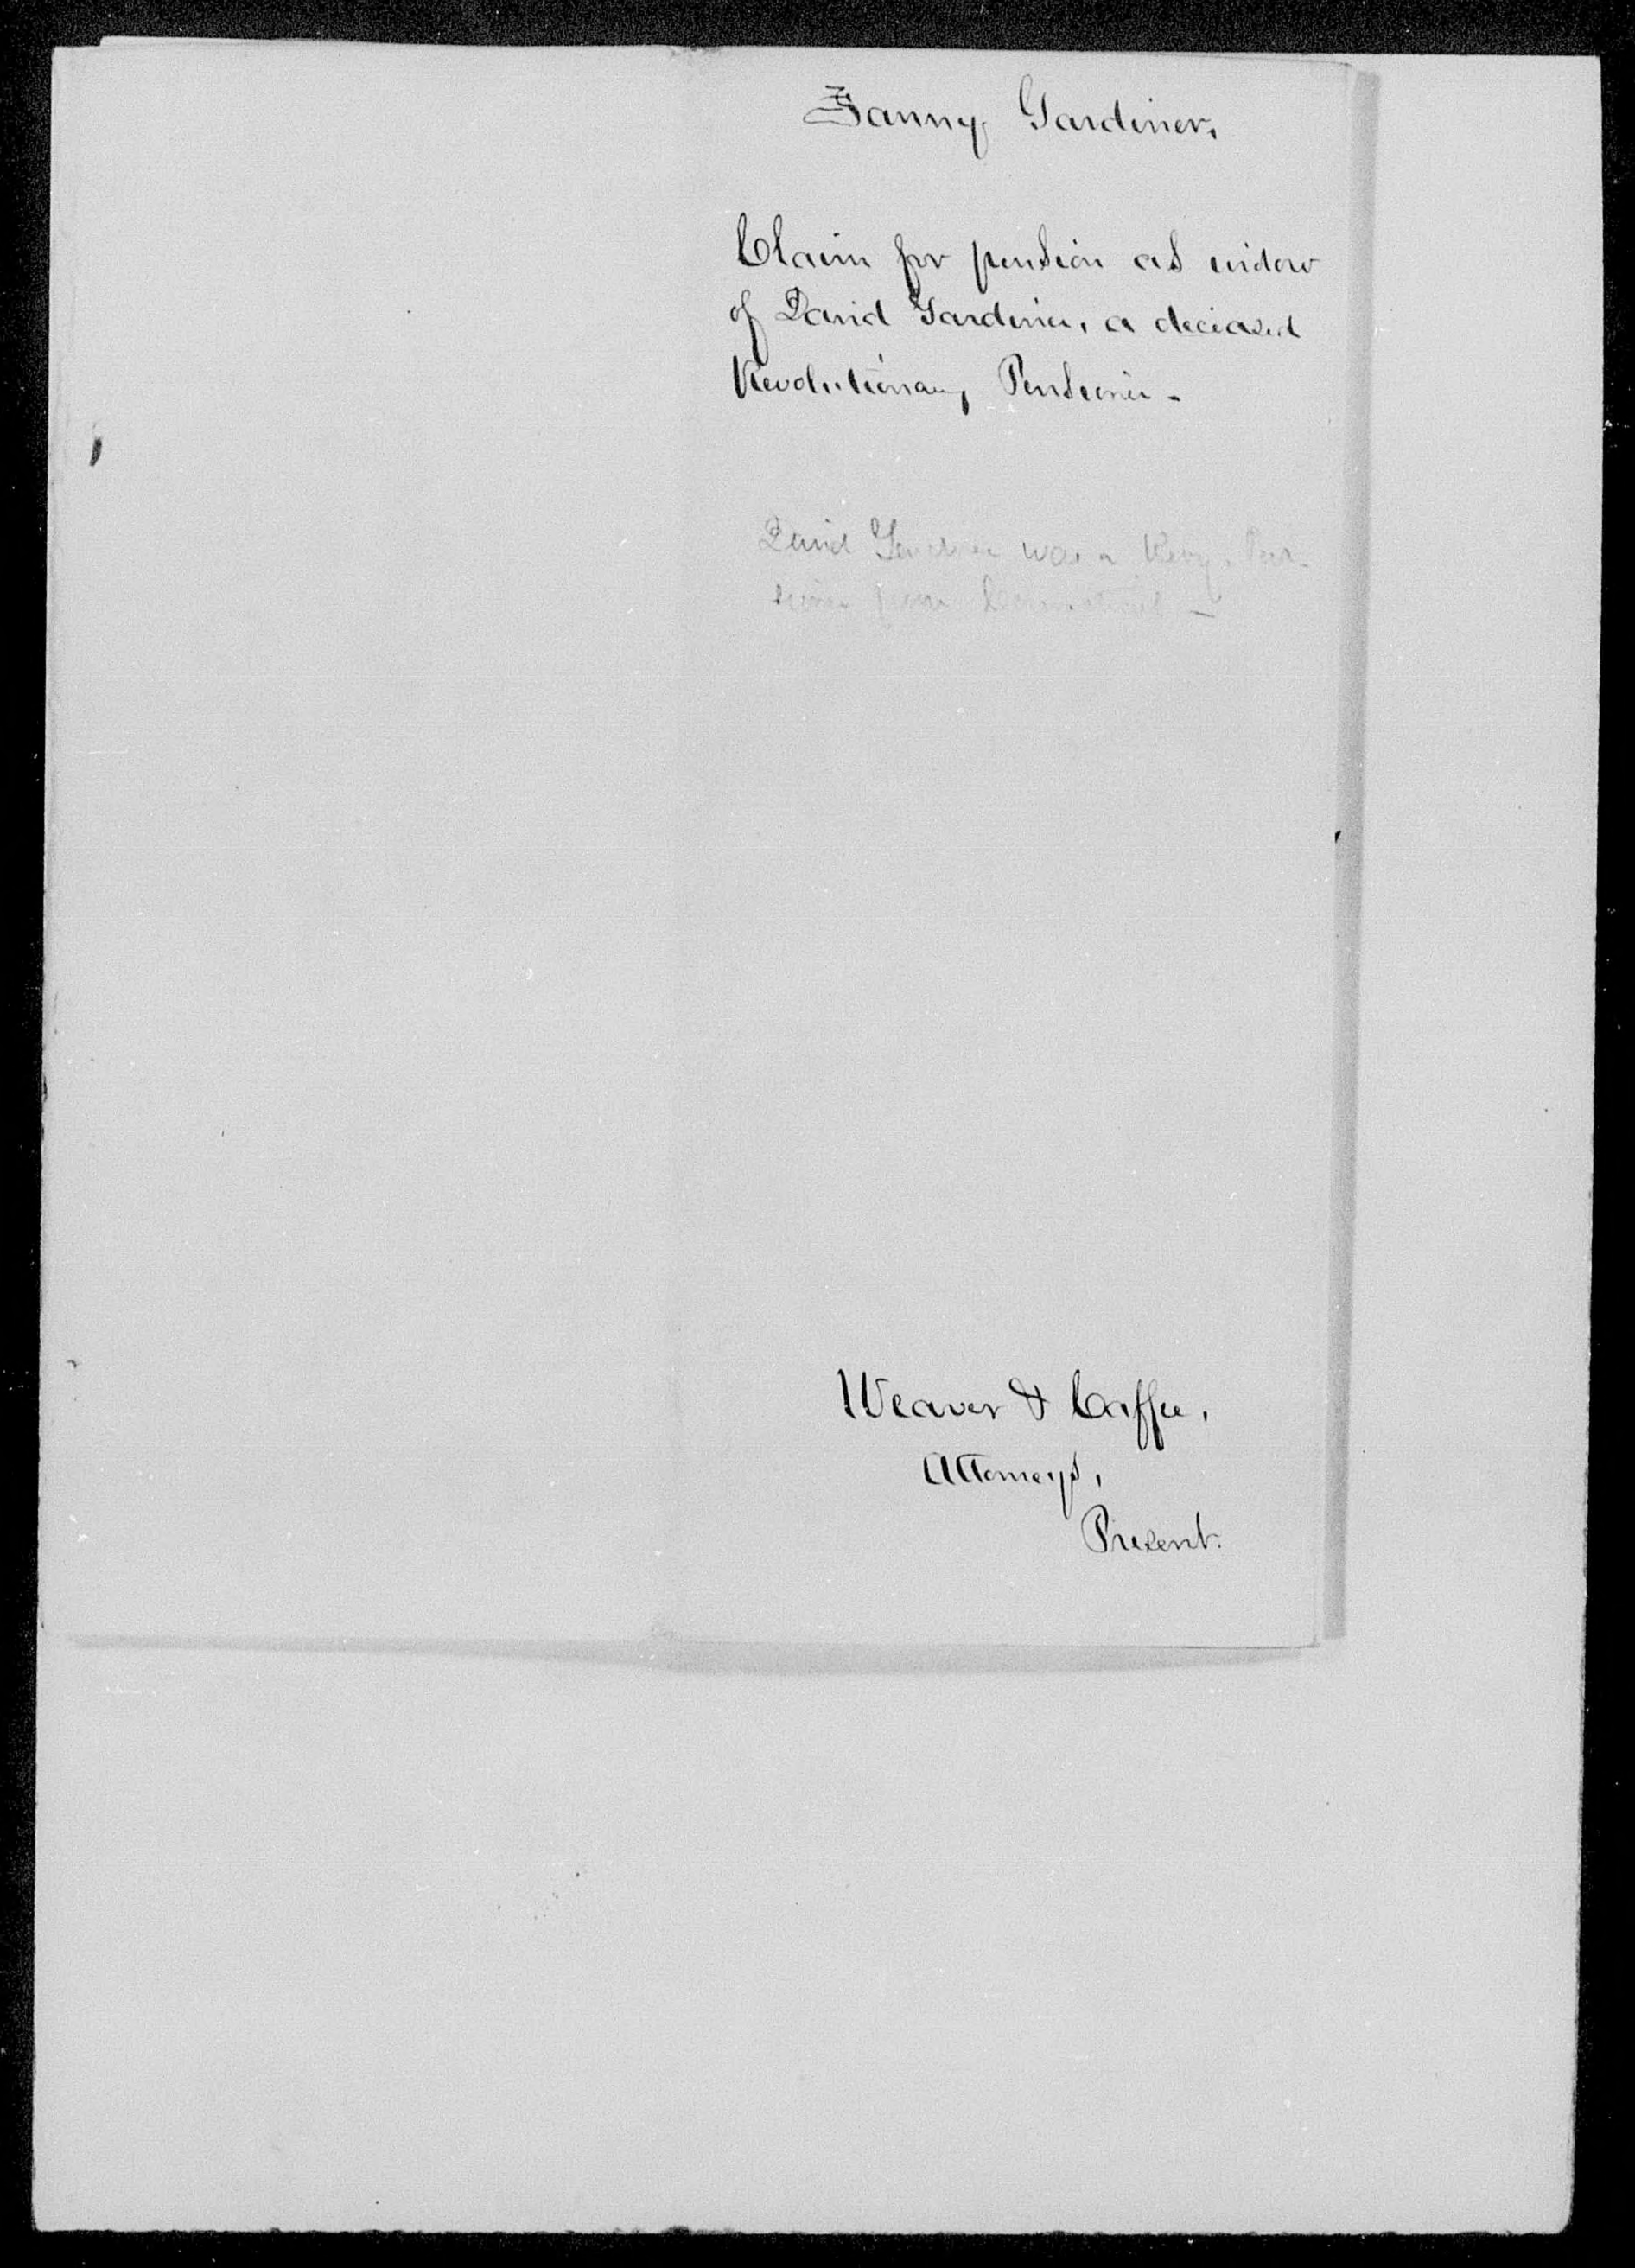Fanny Gardiner,
Claim for pension as widow of David Gardiner, a deceased Revolutionary Pensioner

David Gardner was a Revy pensioner from Connecticut

Weaver & Caffee
Attorneys.
Present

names: David Gardner, Weaver, Fanny Gardiner, David Gardiner, Caffee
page: 51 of 66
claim: widow's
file: W 1850, David Gardner, Conn.